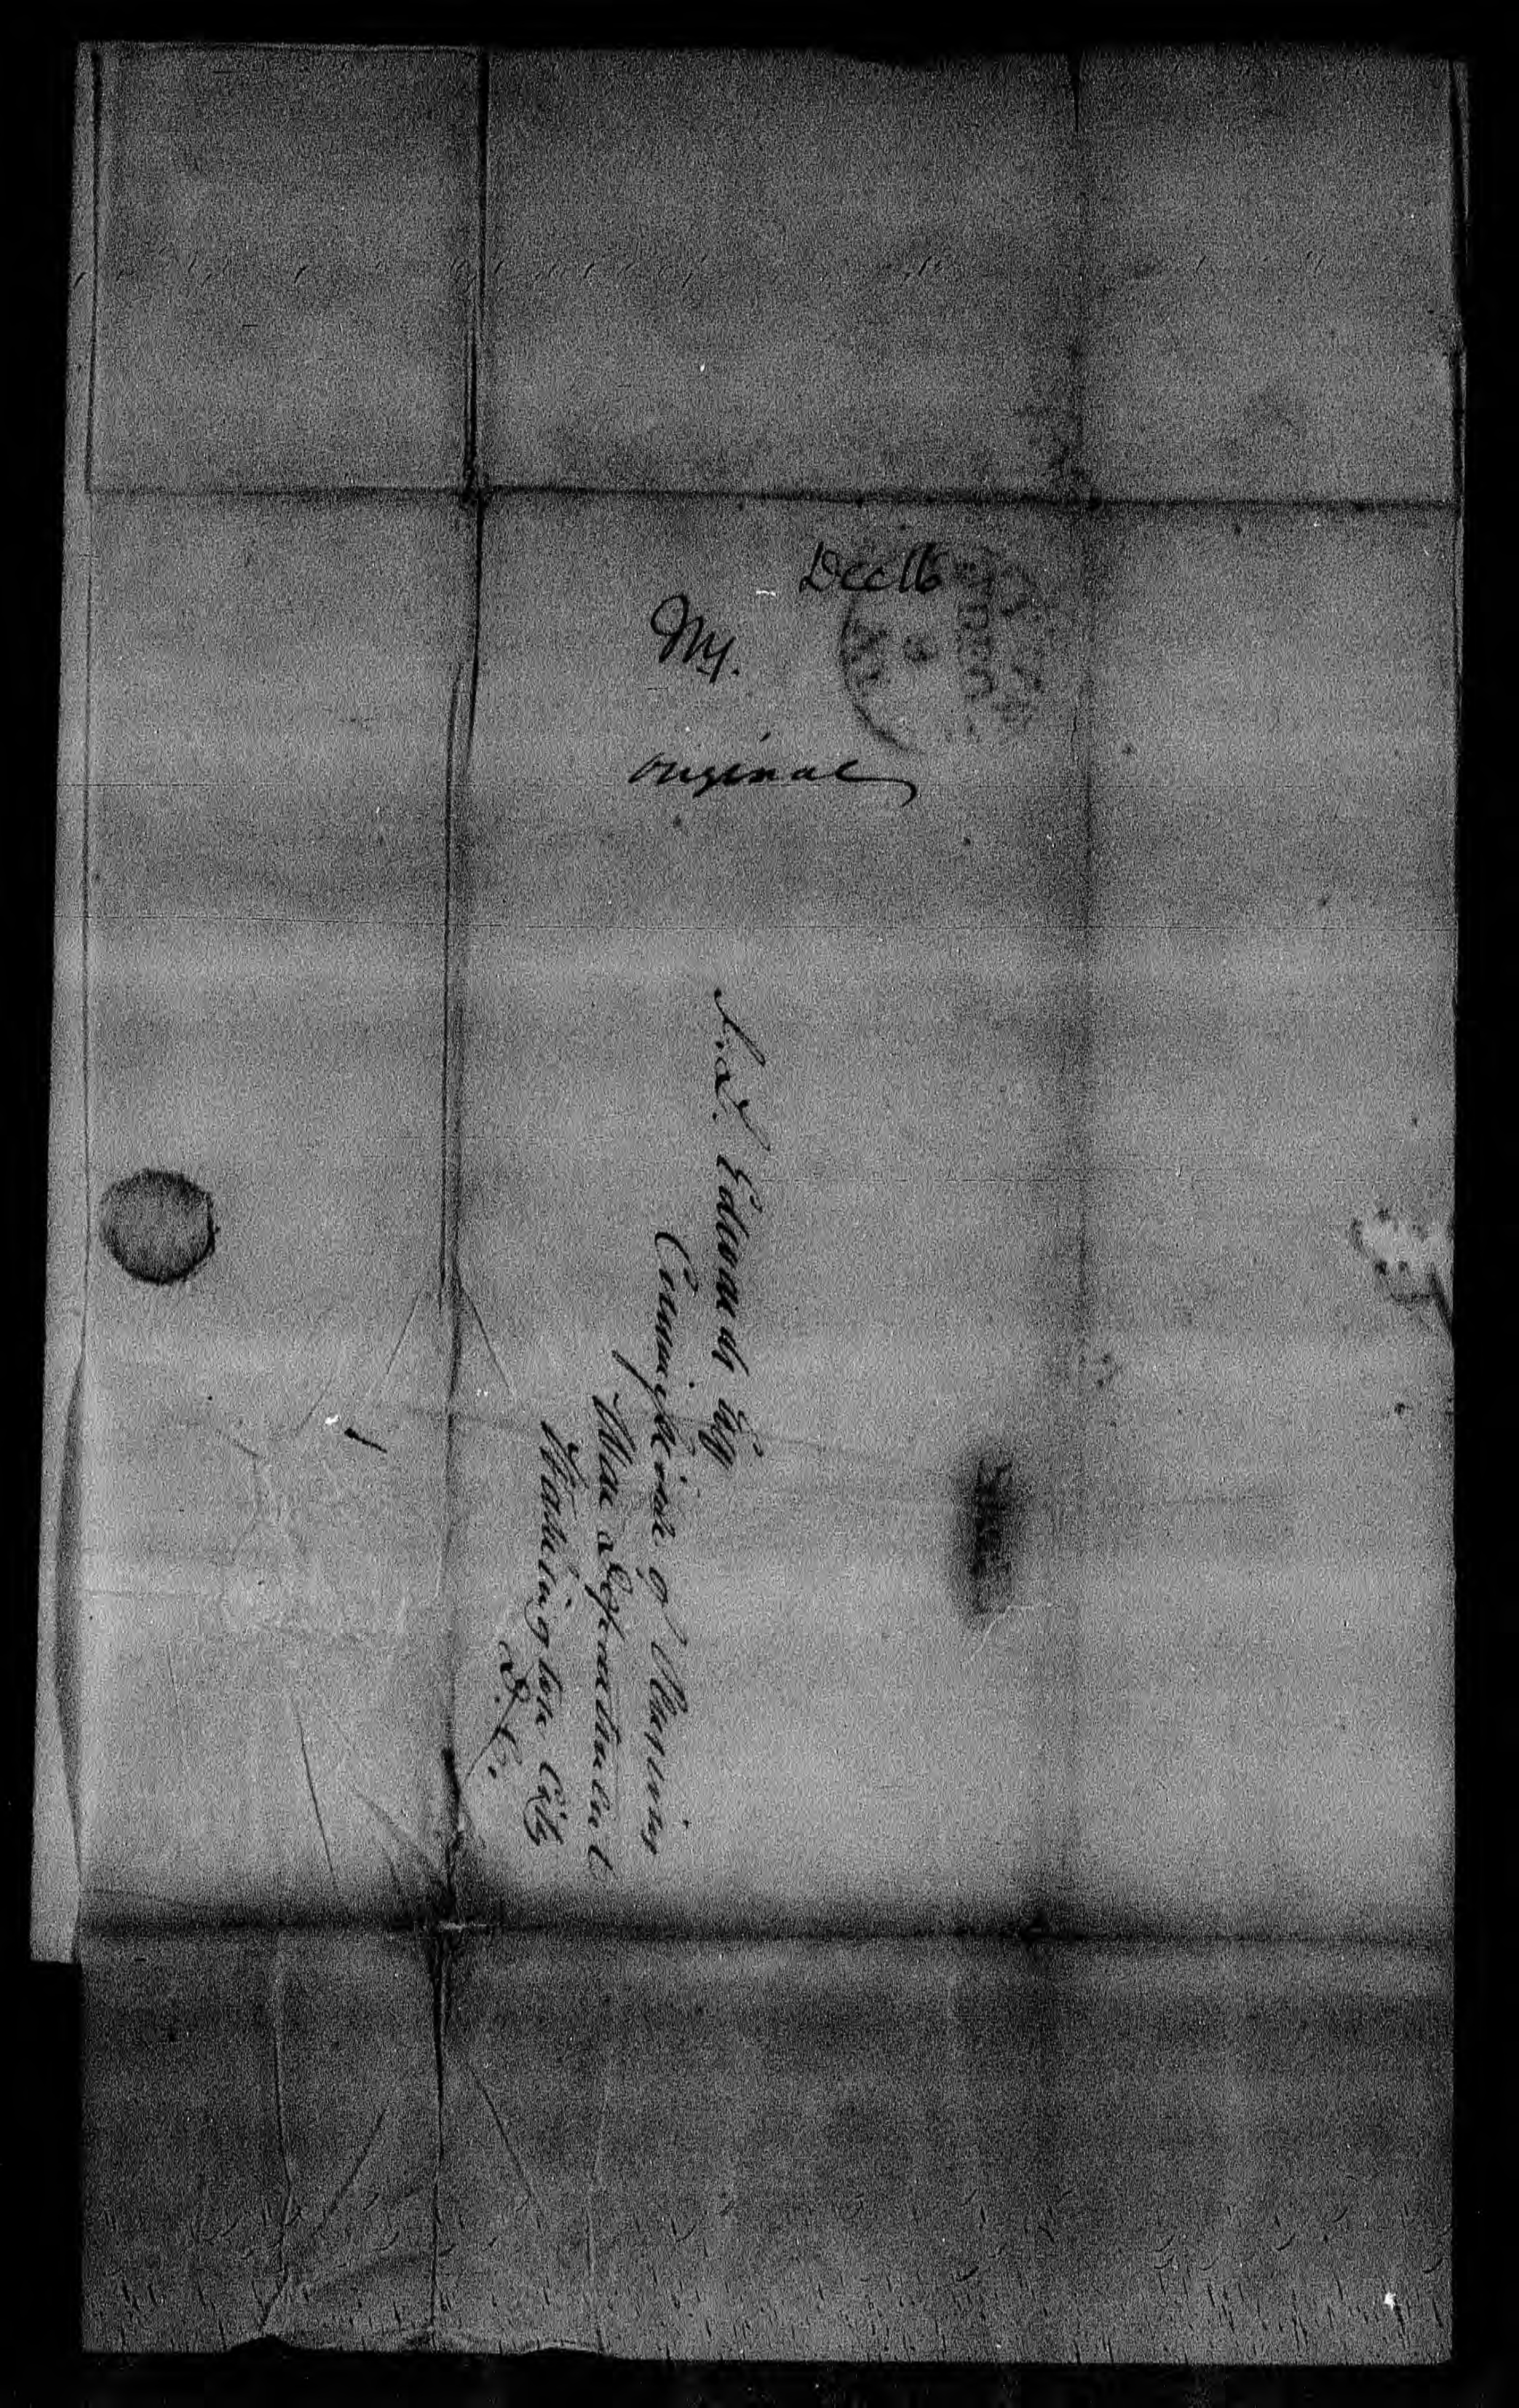Dec 16                                      [Postmark]
NY.                                                           DEC
                                                                   9
original                                                      NY   


   
J. L. Edwards
Commissioner of Pensions
War Department
Washington City
                  D.C.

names: J L Edwards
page: 16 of 34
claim: widow's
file: W. 1596, Joseph Gregory, Conn.